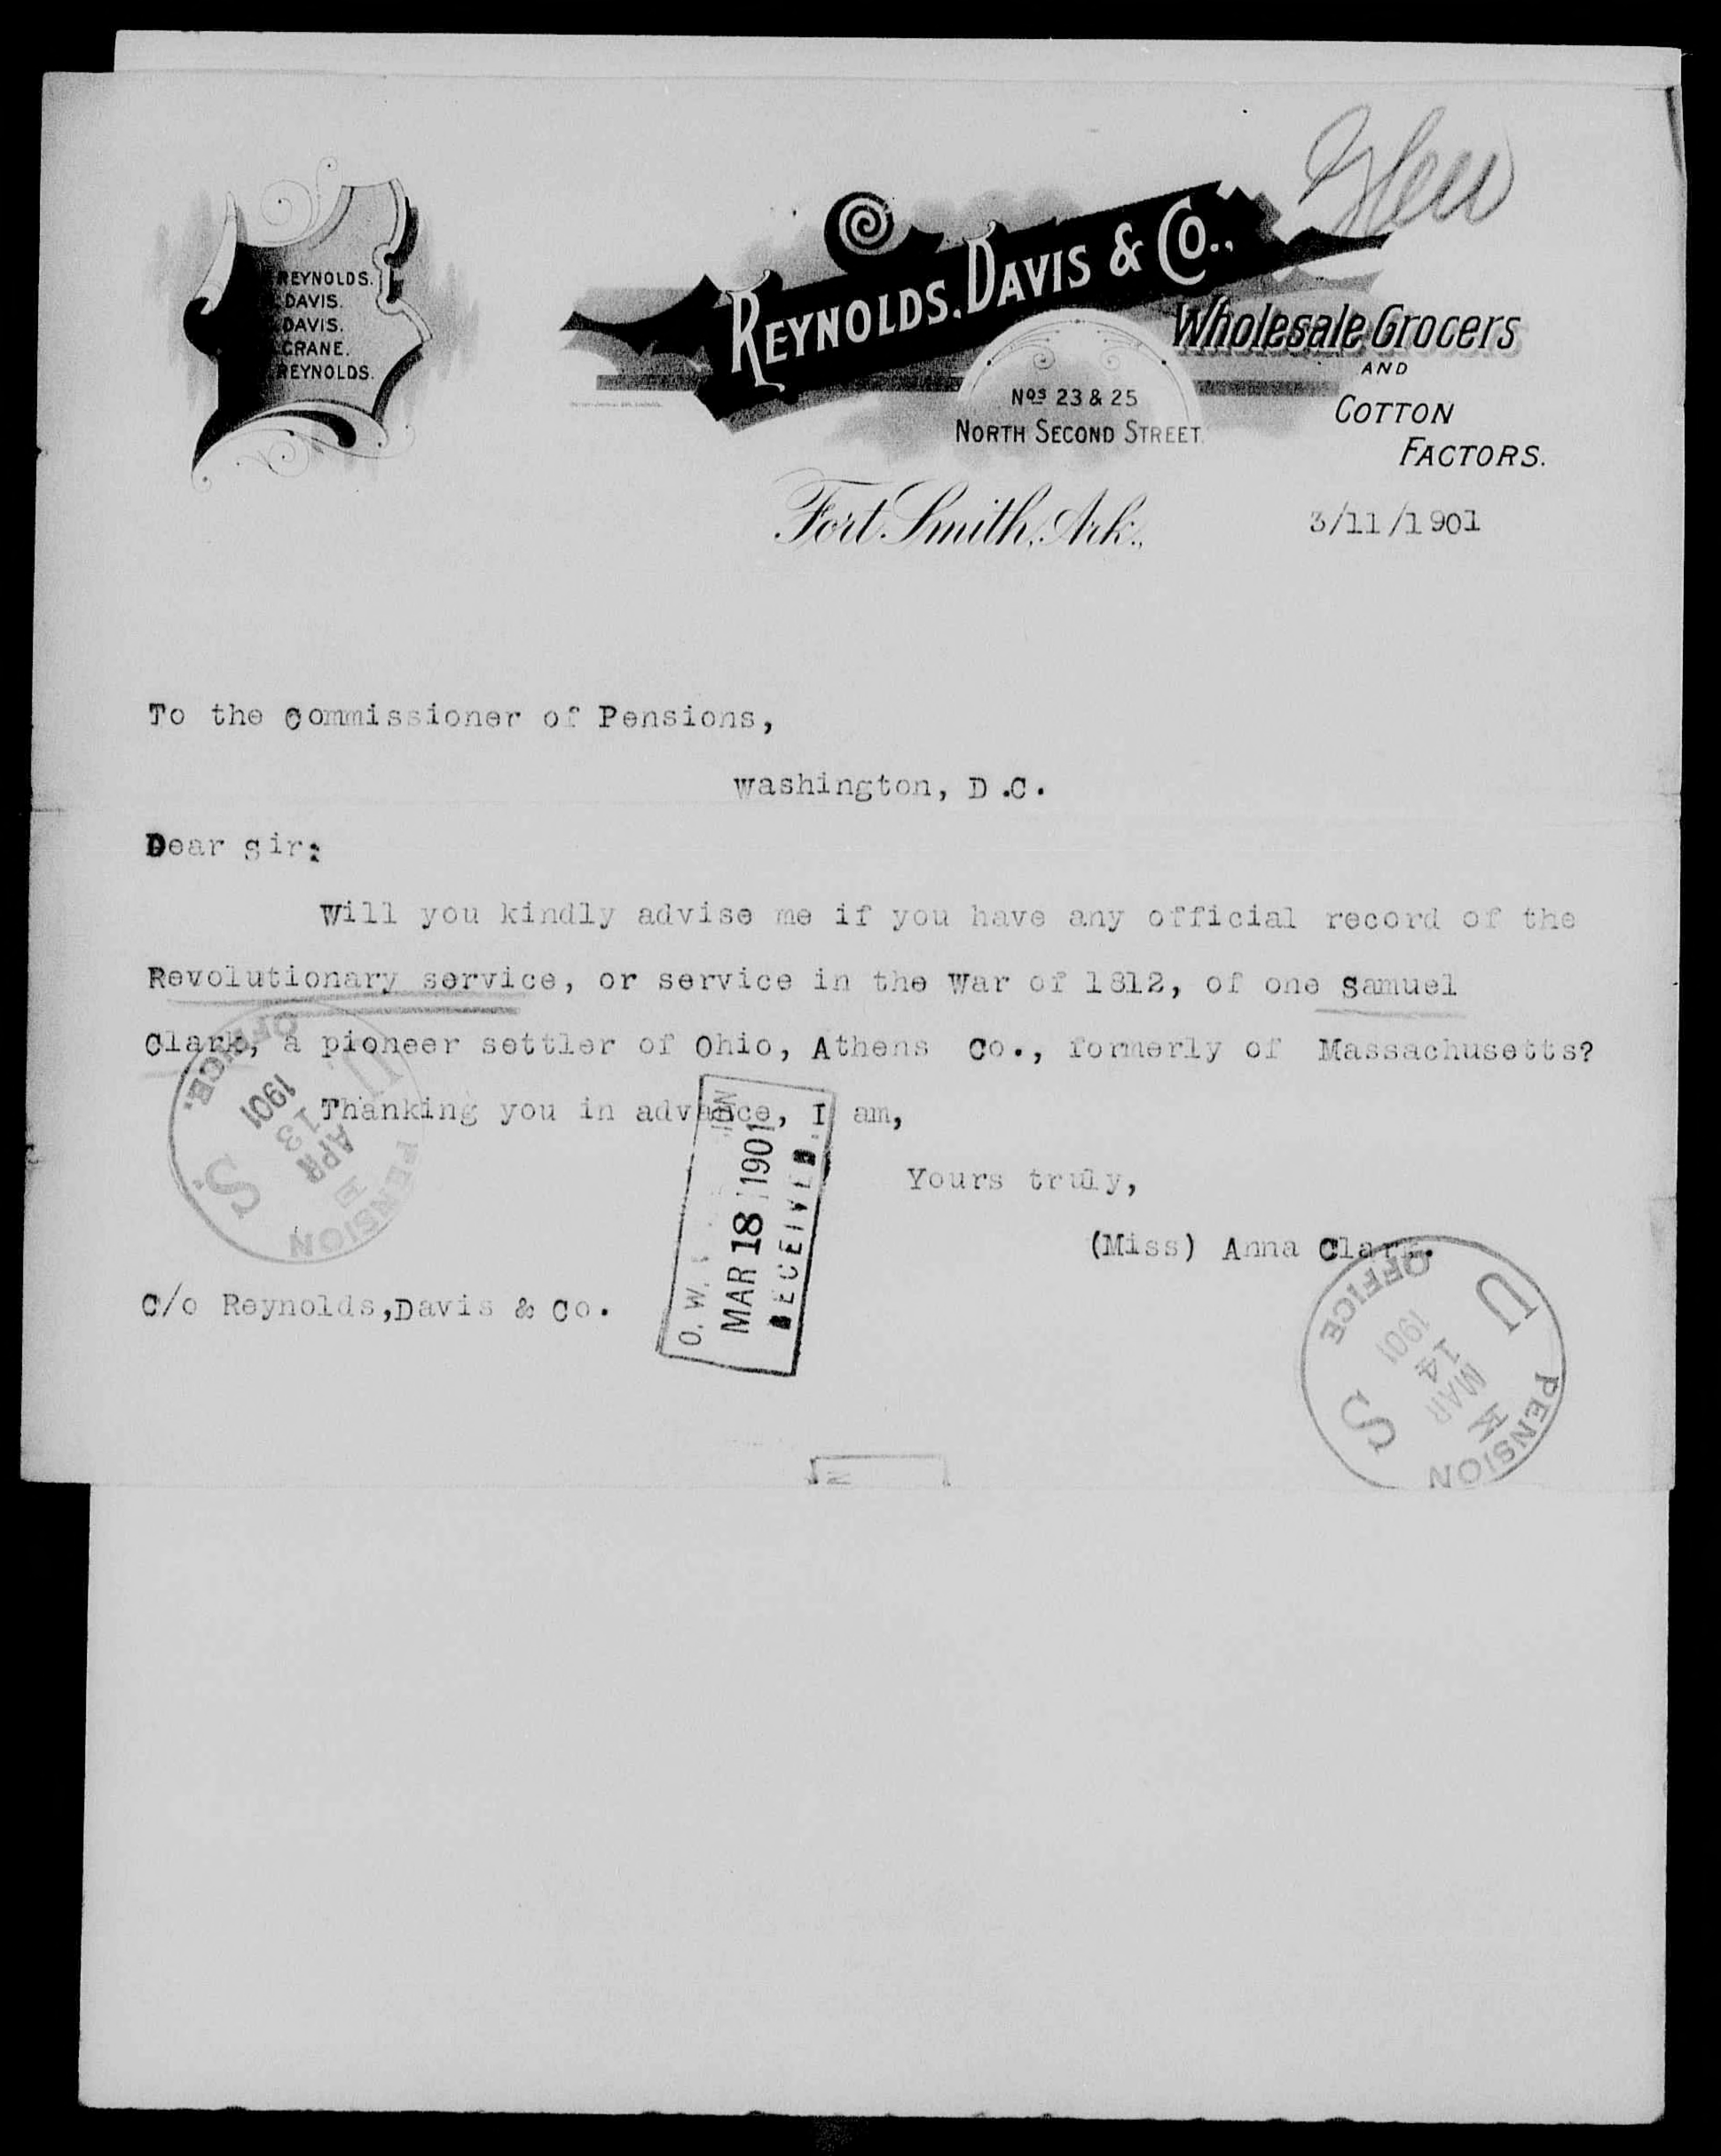Reybikdsm Davus & Co.
Wholesale Grocers and Cotton Factors
Nos 23 & 25 North Second Street 
Fort Smith Ark,
3/11/1901

To the Commissioner of Pensions,
washington, D.C.

Dear Sir, 
Will you kindly advise me if you have any official record of the Revolutionary service, or service in the War of 1812, of one Samuel Clark, a pioneer settler of Ohio, Athens Co., formerly of Massachusetts?
Yours truly, 
(Miss) Anna Clark

c/c Reynolds, Davis & Co.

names: Davis, Davis, Anna Clark, Samuel Clark, Reynolds, Reynolds, Crane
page: 14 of 14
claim: survivor's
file: S. 34696, Samuel Clark, Continental Mass.